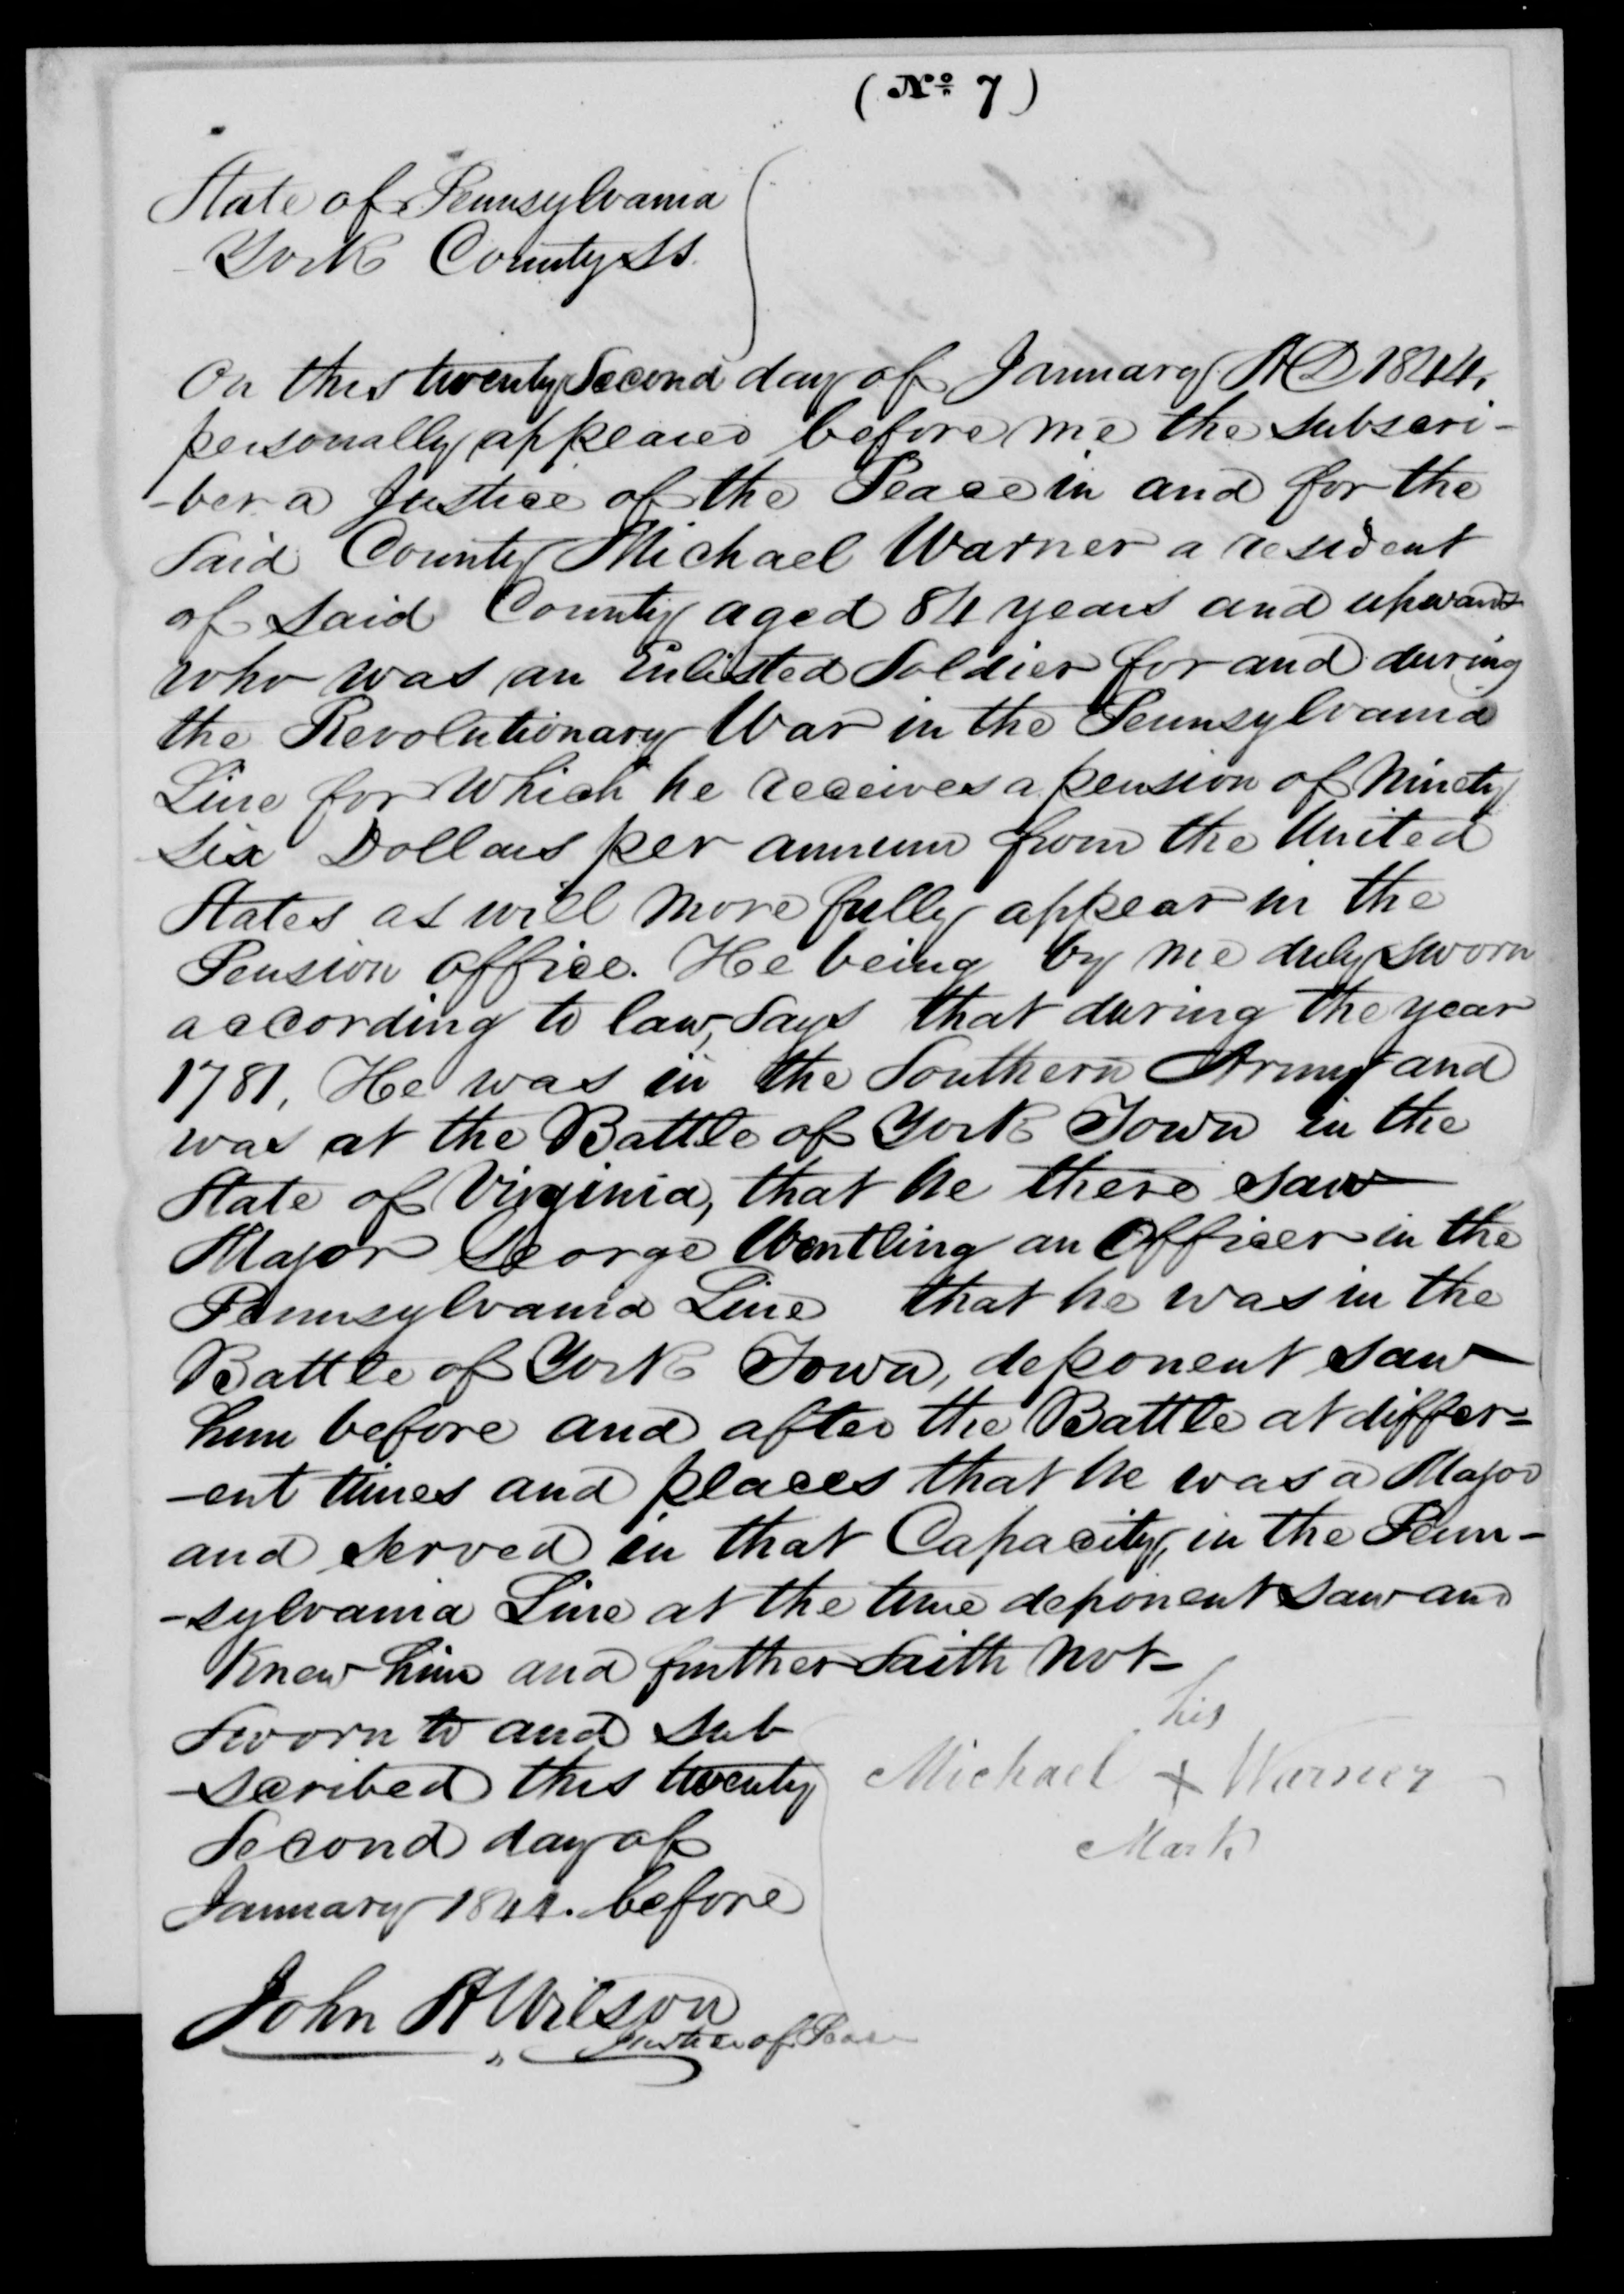(No 7)
State of Pennsylvania York County SS
On this twenty Second day of January AD 1844
personally appeared before me the Subscriber a Justice of the Peace in and for the
said County Michael Warner a resident
of said County aged 84 years and upward
who was an enlisted Soldier for and during the
Revolutionary War in the Pennsylvania
Line for which he receives a pension of Ninety
Six Dollars per annum from the United States
as will more fully appear in the
Pension Office. He being by me duly sworn
according to law, says that during the year
1781. He was in the Southern Army and
was at the Battle of York Town in the
State of Virginia, that he there saw
Major George Wentling an Officer in the
Pennsylvania Line. That he was in the
Battle of York Town, deponent saw
him before and after the Battle at different 
times and places. That he was a Major
and served in that capacity in the Pennsylvania
 Line at the time deponent saw and
knew him and further saith not-
Michael Warner his mark
Sworn to and subscribed this twenty
Second day of January 1844, before
John R Wilson Justice of Peace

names: John A Wilson, Michael Warner, George Wentling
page: 60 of 68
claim: survivor's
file: S. 6,358, George Wentling, Penn.